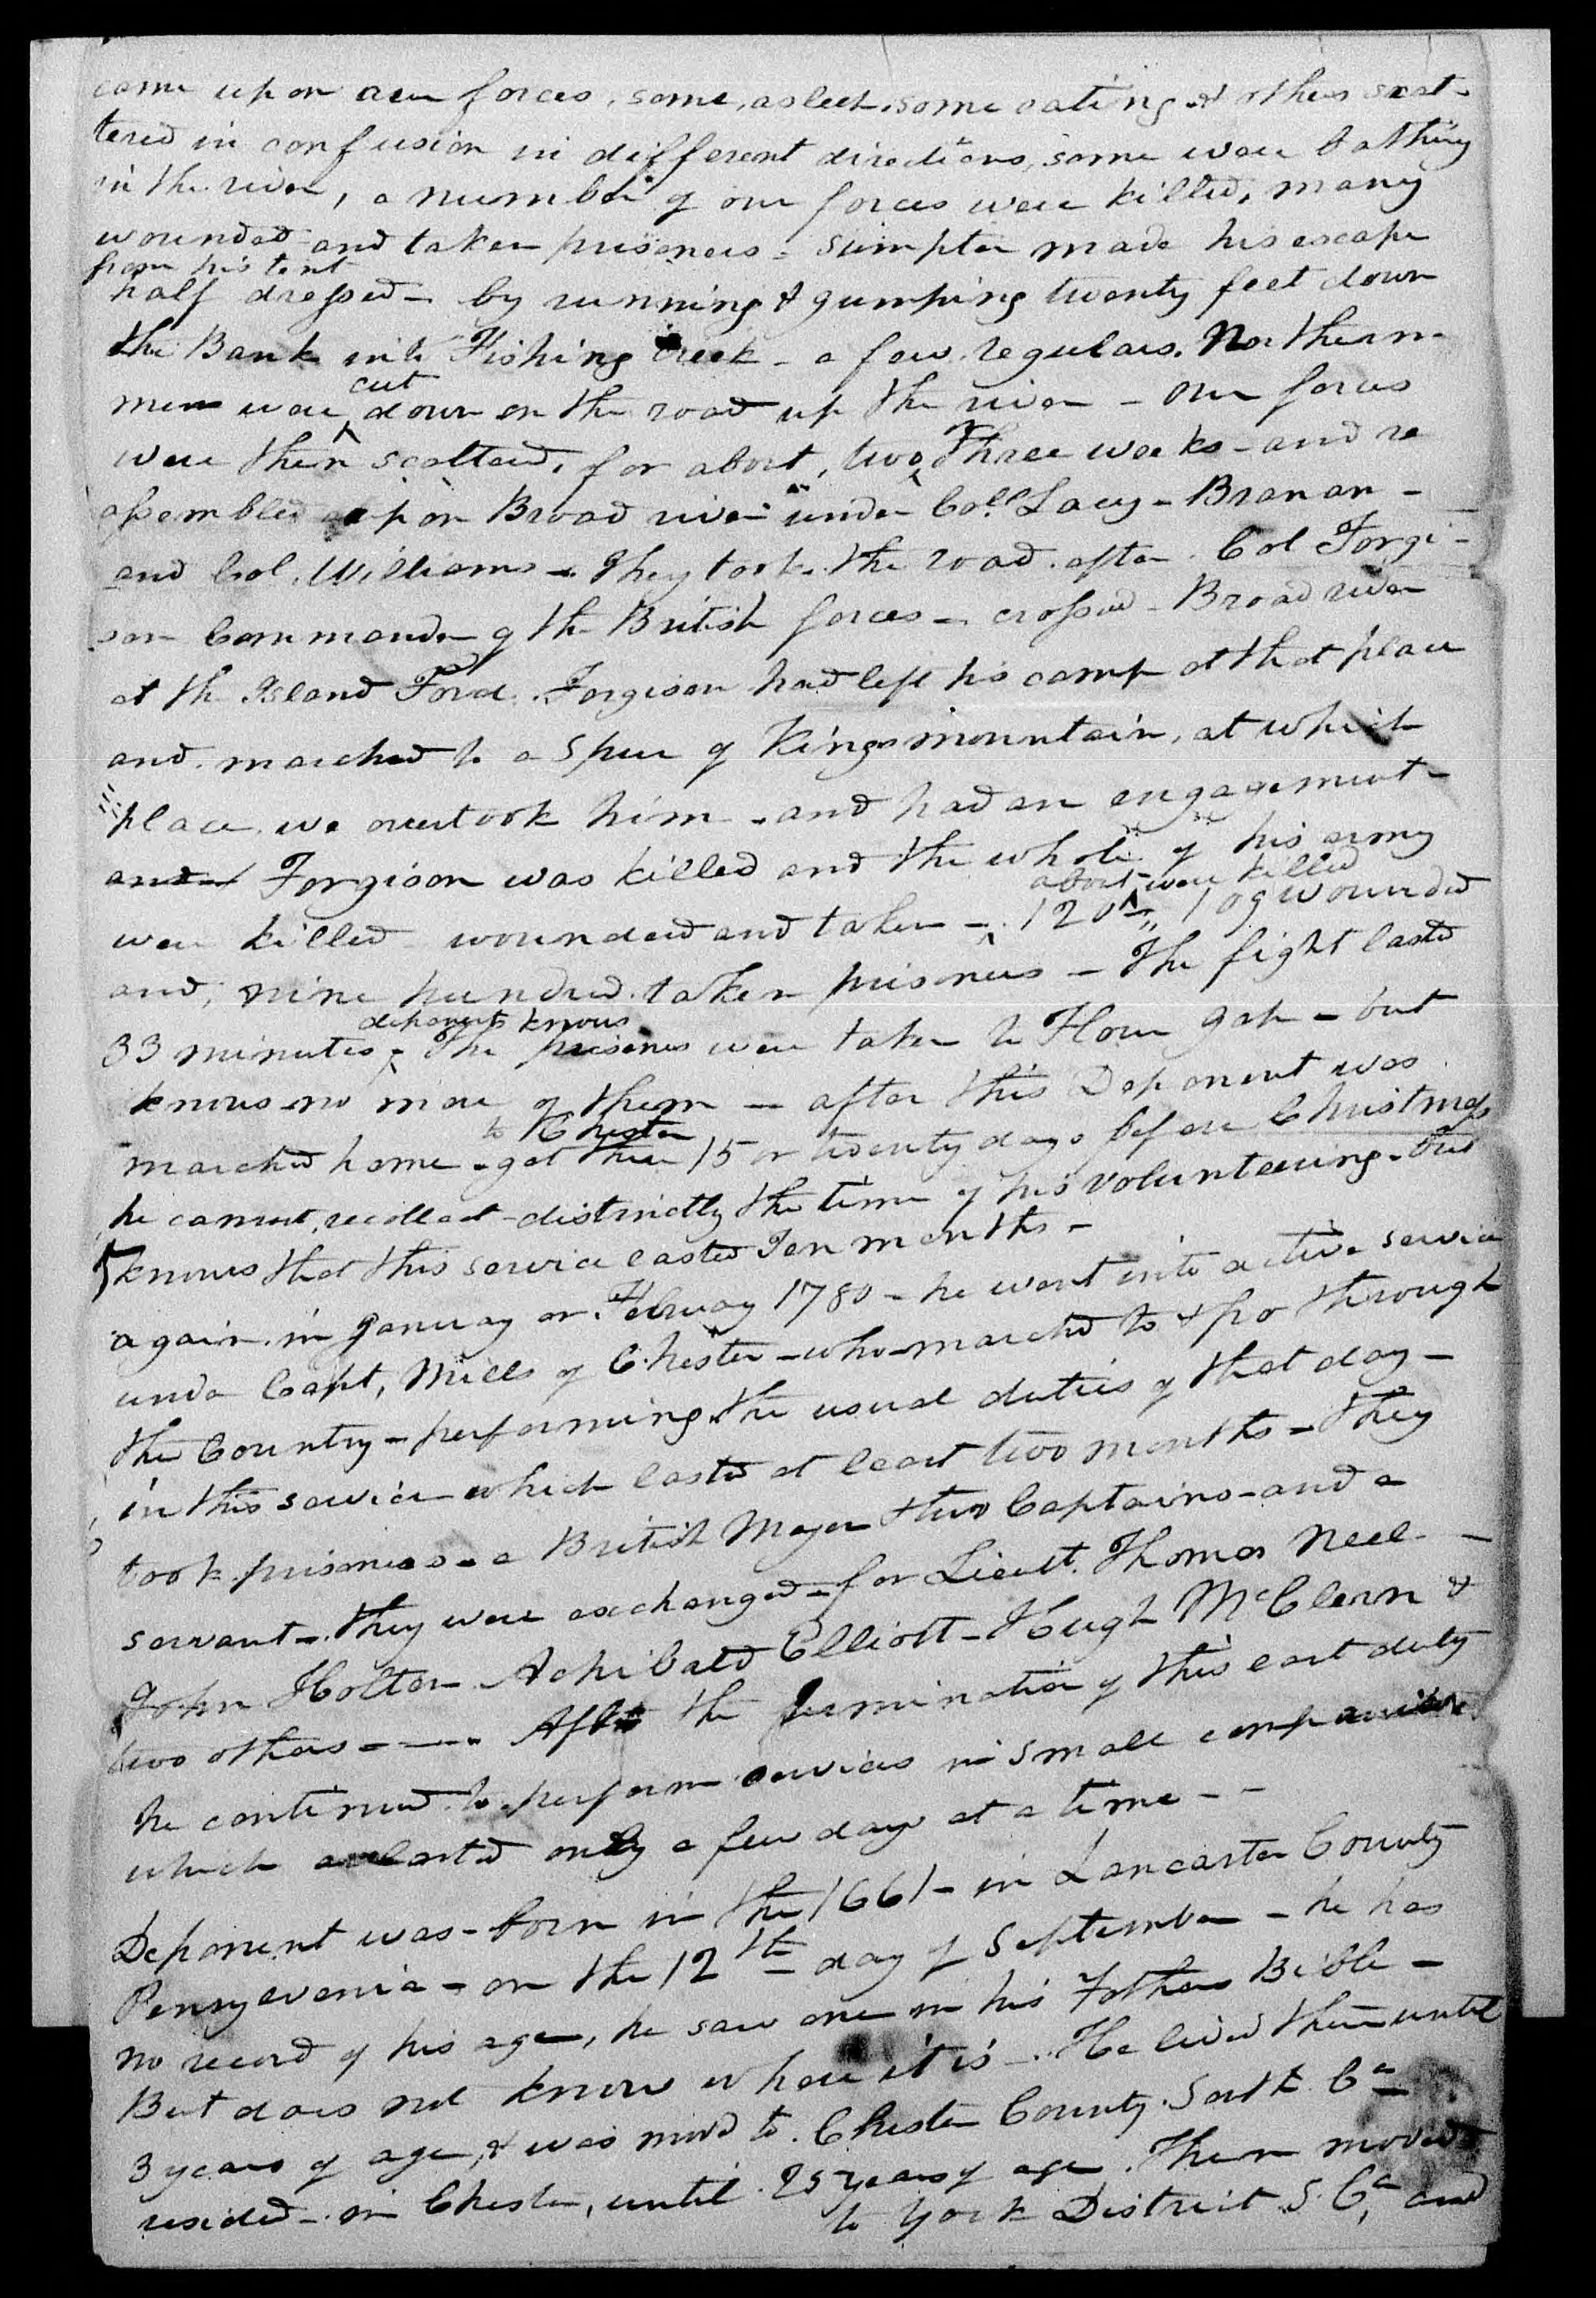came upon our forces, some, asleep, some eating & others scattered
in confusion in different directions, some were bathing
in the river, a number of our forces were killed, many
wounded and taken prisoners - Sumpter made his escape
from his tent - half dressed - by running & jumping twenty feet down
the Bank into Fishing Creek - a few regulars, Northern
men were cut down on the road up the river - our forces
were then scattered, for about, two or three weeks and 
reassembled upon Broad river under Col. Lacy - Branan -
and Col Williams. They took the road after Col Forgison
Command of the British forces, crossed Broad river
at the Island Ford Forgison had left his camp at that place
and marched to a spur of Kings Mountain, at which
place, we overtook him-- and had an engagement -
Forgison was killed and the whole of his armry
were killed wounded and taken - about 120 were killed 109 wounded
and nine hundred taken prisoners-- The fight lasted
33 minutes deponent knows. The prisoners were taken Flour gah [?] -- but
knows no more of them - after this Deponent was
marched home - got to Chester then 15 or twenty days before Christmas
he cannot recollect distinctly the time of his volunteering, but
knows that this service lasted Ten months - 
again in January or February 1780. he went into active service
under Capt. Mills of Chester who marched to & so through
the Country - performing the usual duties of that day -
in this service which last at least two months- They
took prisoners, a British major & two Captains and a
servant - they were exchange for Lieut. Thomas Neel -
John Holton - Archibald Elliott - Hugh McClern &
two others-- At the termination of this last duty
he continued to perform services in small camp [illegible]
which lasted only a few days at a time -
Deponent was borm in the 1661 - in Lancaster County
Pennsylvania on the 12th day of September, he has
no record of his age, he saw one in his Father Bible -
But does not know where it is. He lived there until
3 years of age & was moved to Chester County South Ca
resided in Chester, until 25 years of age. Then moved to York District S. Ca. and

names: Lacy Branon; Hugh Mc Clern; [BLANK] Forgison; Achibald Elliott; Thomas Neel; [BLANK] Williams; John Holton; [BLANK] Mills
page: 7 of 13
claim: survivor's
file: S. 16464, for David Mc Cance, South Carolina